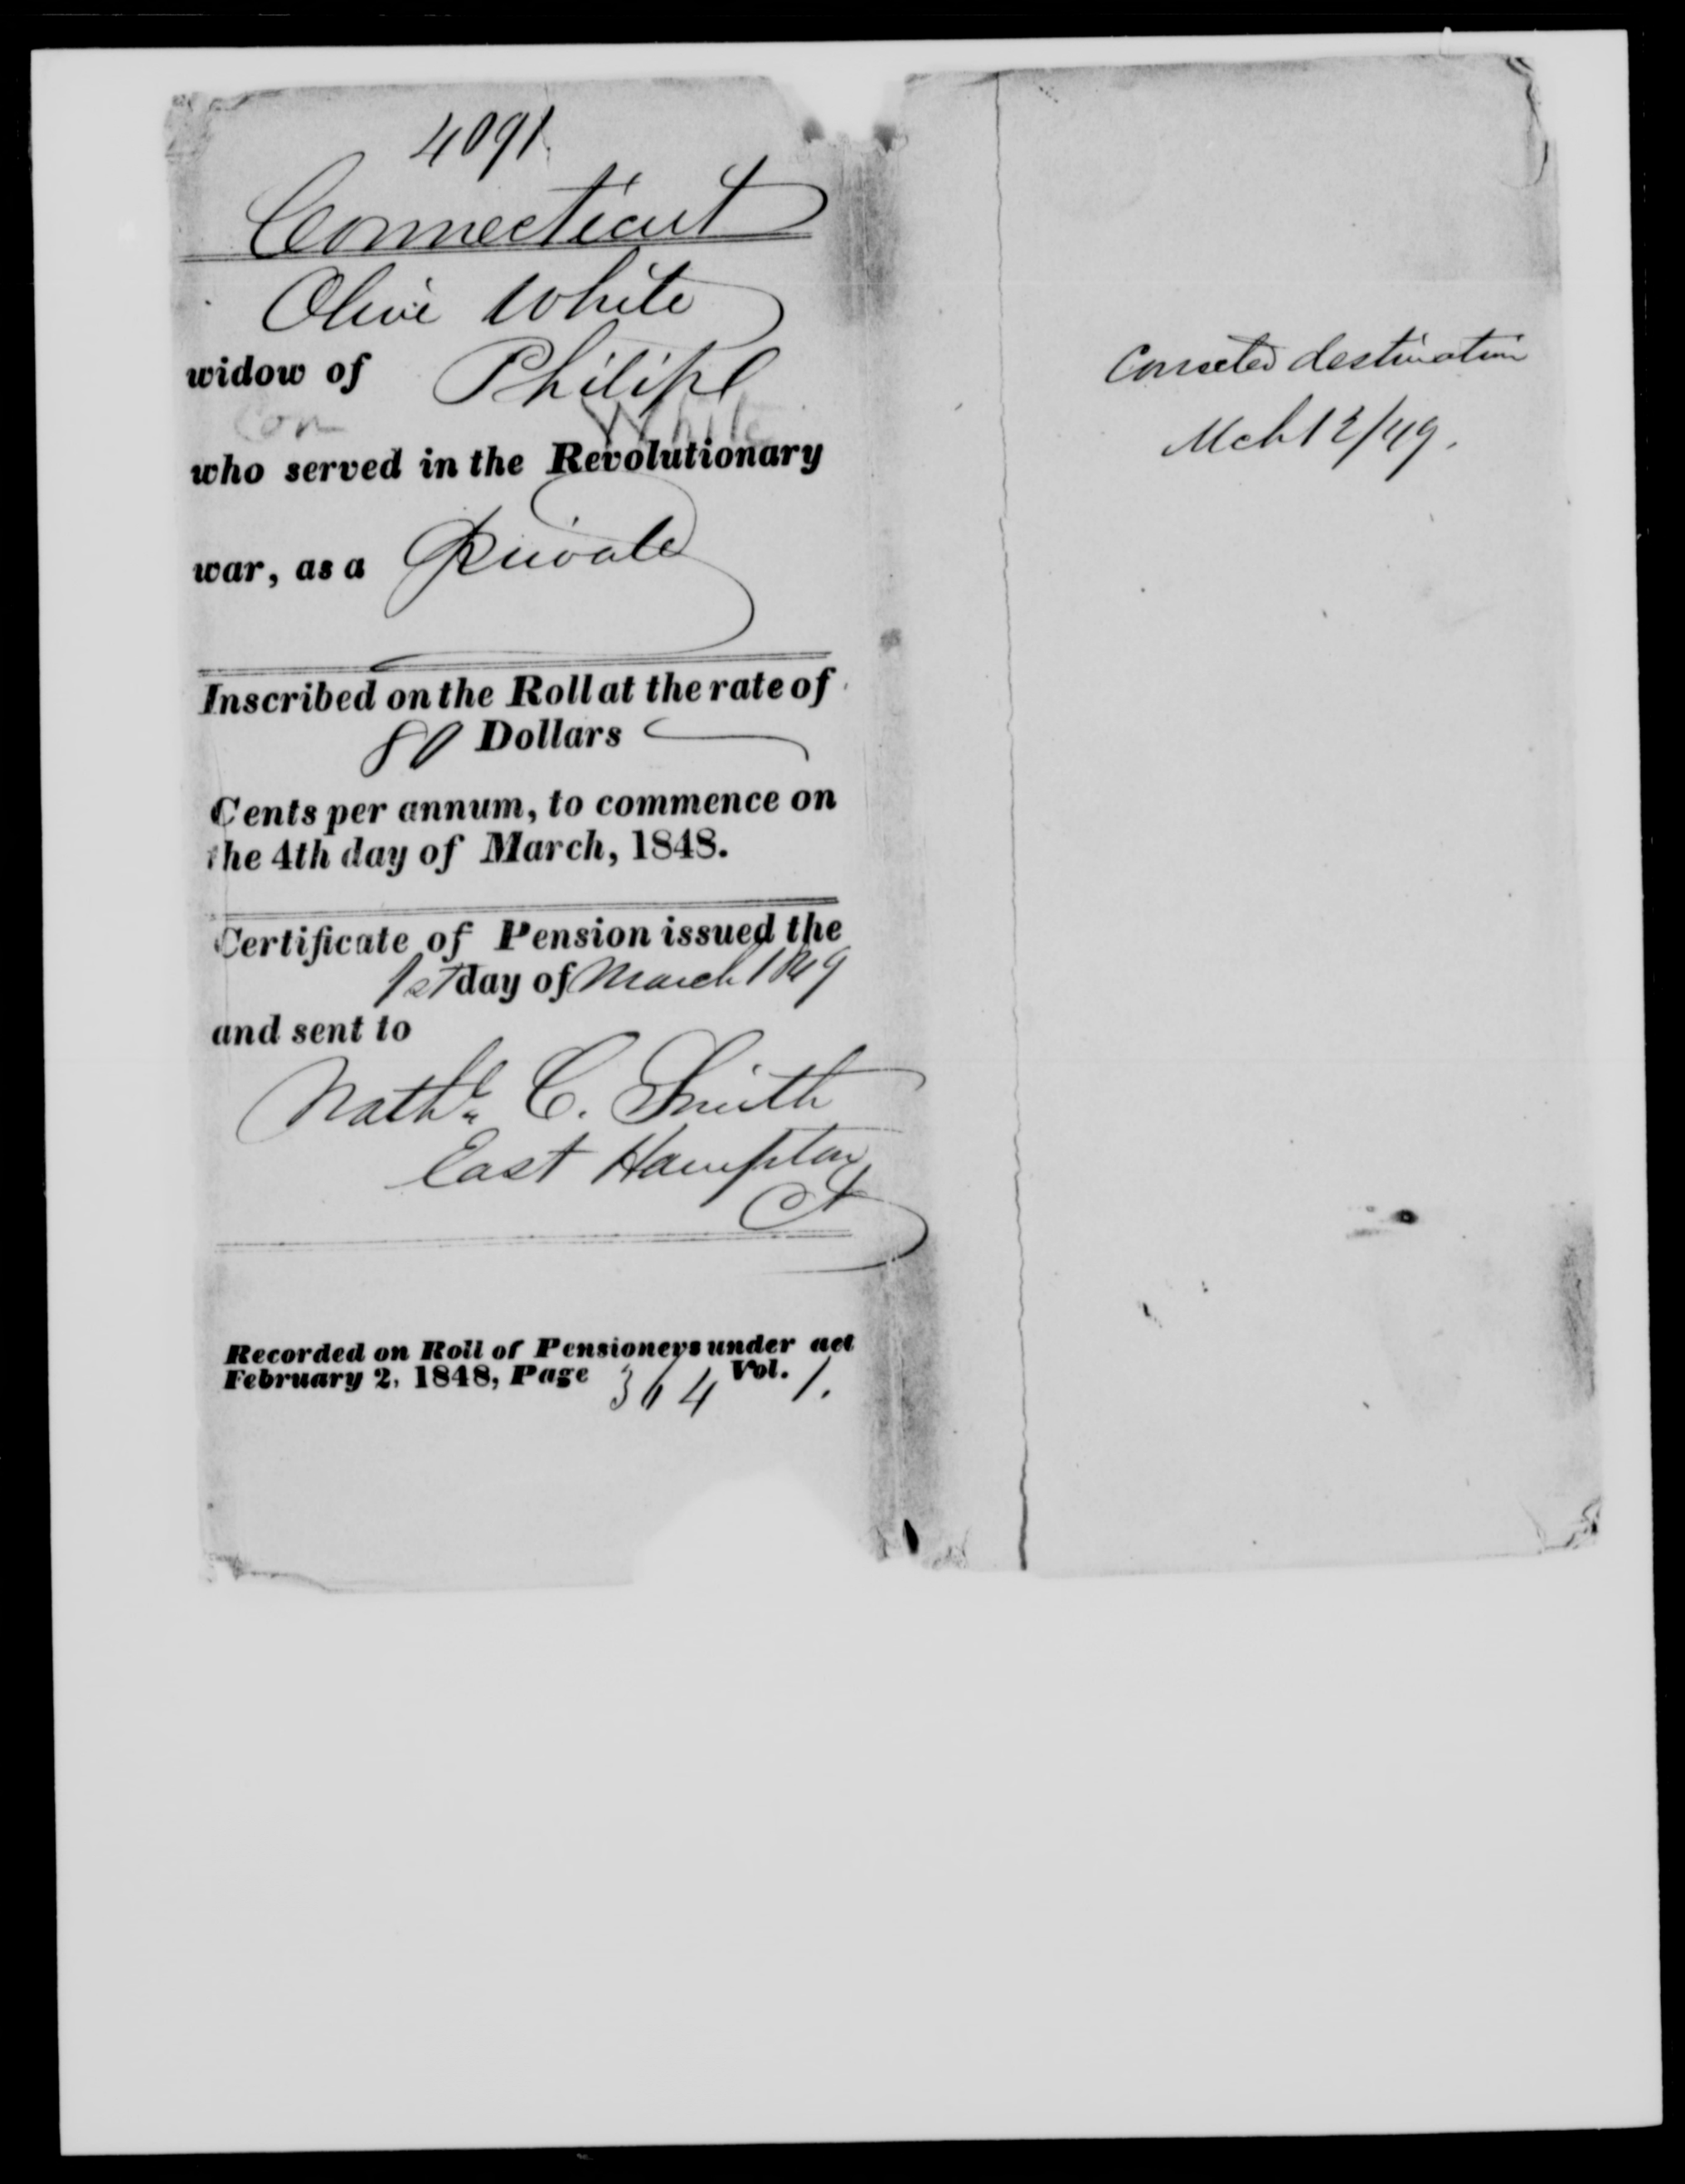4091
Connecticut

Olive White
widow of Philip White
Con
who served in the Revolutionary
war, as a private

Inscribed on the Roll at the rate of
80 Dollars ~
Cents per annum, to commence on
the 4th day of March, 1848.

Certificate of Pension issued the
1st day of March 1869
and sent to
Nathl C. Smith
East Hampton

Recorded on Roll of Pensioners under act
February 2, 1848, Page 364 Vol 1.

Coorrected destination
Mch 12/49.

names: Philip White, Nathl C Smith, Olive White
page: 15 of 50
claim: widow's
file: W. 25,969, Philip White, Conn.